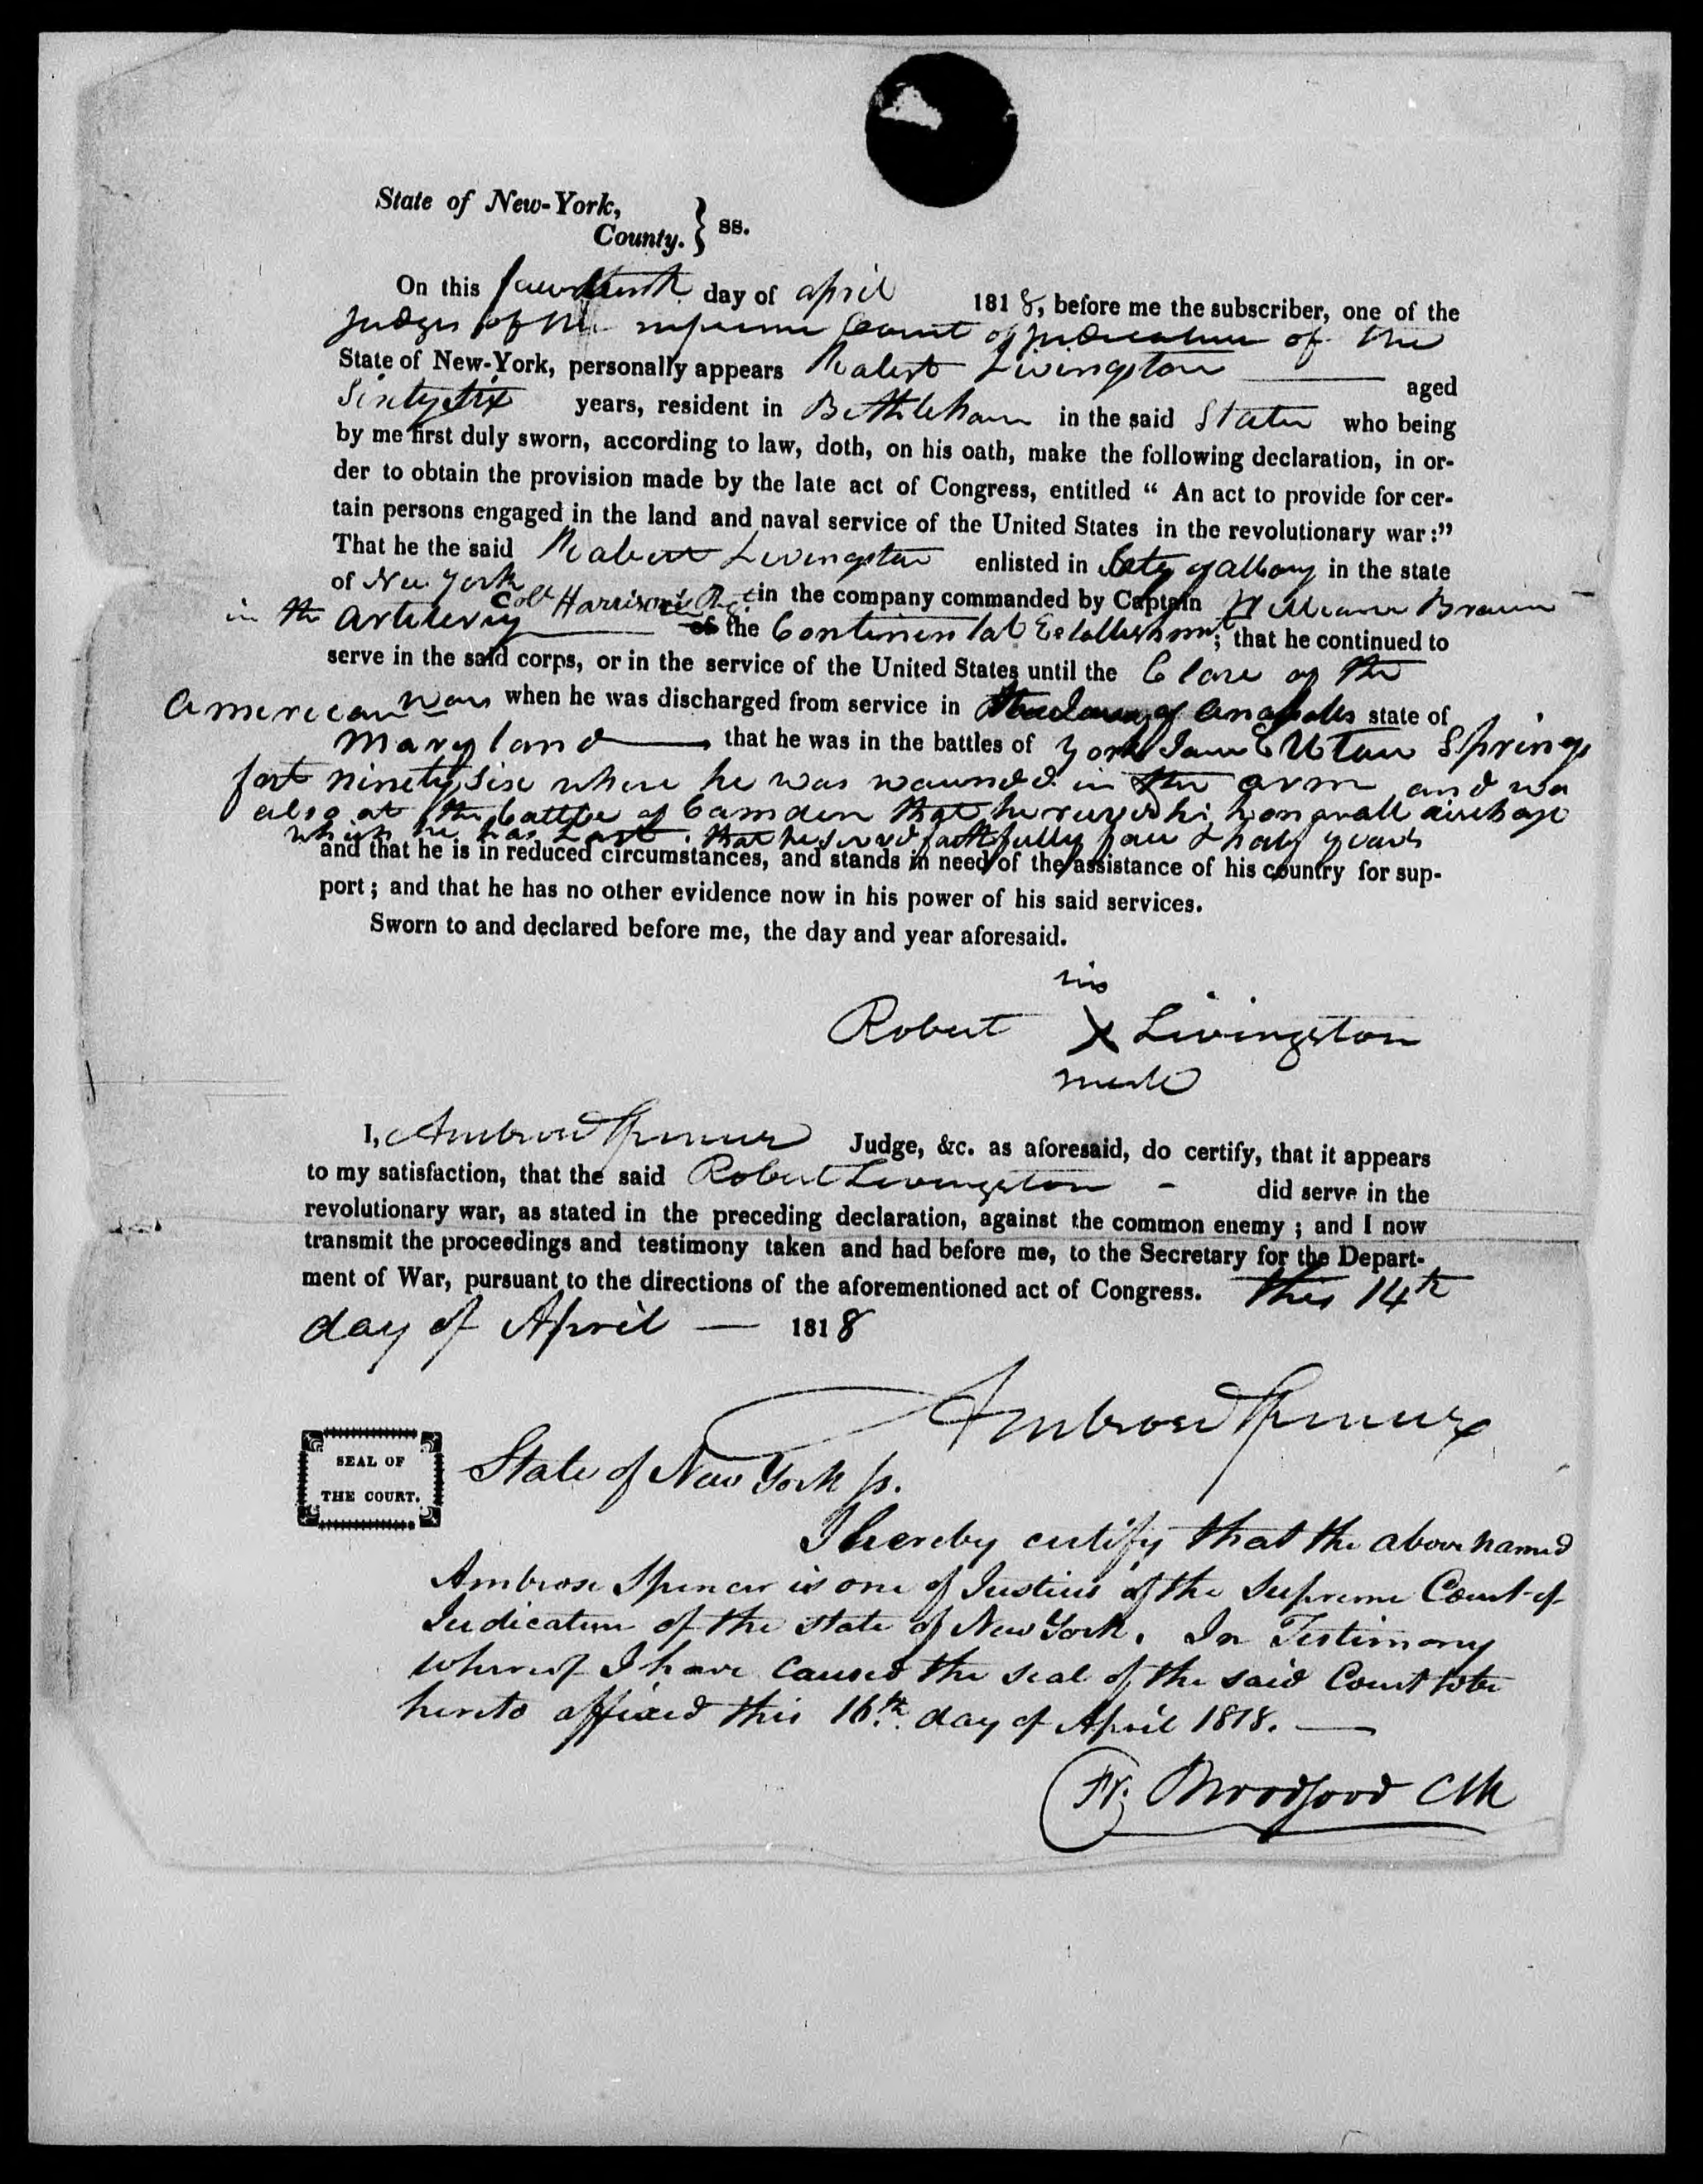State of New York
Blank County

On this fourteenth day of April 1818 before me the subscriber one of the Judges of the Supreme court of Judication of the state of New York personally appears Robert Livingston sixty six years resident in Bethlehem in the said state who being by me first duly sworn according to law doth on his oath make the following declaration in order to obtain the provision made by the late act of Congress entitled "An act to provide for certain persons engaged in the land and naval service of the United States in the Revolutionary war" that he the said Robert Livingston enlisted in City of Albany in the state of New Yor in the company commanded by Captain William Brown in the artillery of Col. Harrison Regiment of the continental establishment that he continued to serve in the said corps or in the service of the United States until the close of the war when he was discharged from service in the city of Annapolis state of Maryland that he was in the battles of York town, Eutaw Springs, Fort Ninety-Six where he was wounded in the arm and was at the battle of Camden that surrender his honorable discharge which he has lost. That he rec'd *** fully fair & *** and that he is in reduced circumstances and stands in need of the assistance of his county for support and that he has no other evidence now in his power of his said services.

Sworn to and declared before me the day and year aforesaid.

Robert Livingston
His X Mark

I Ambrose Spencer Judge etc. as aforesaid do certify that it appears to my satisfaction that the said Robert Livingston did serve in the revolutionary war as stated in the preceding declaration against the common enemy and I now transmit the proceedings and testimony taken and had before me to the Secretary for the Department of War pursuant to the directions of the aforementioned act of congress this 14th day of April 1818.

Ambrose Spencer

SEAL

State of New York

I hereby certify that the above named Ambrose Spencer is one of the Justices of the Supreme Court of Judication of the State of New York. IN testimony whereof I have caused the seal of the said court to be hereto affixed this 16th day of April 1818.

H Woodfood - Clerk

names: William Brown; Robert Livingston; Ambrose Spencer; H Woodfood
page: 4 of 23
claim: survivor's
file: S 42874, for Robert Livingston, Maryland